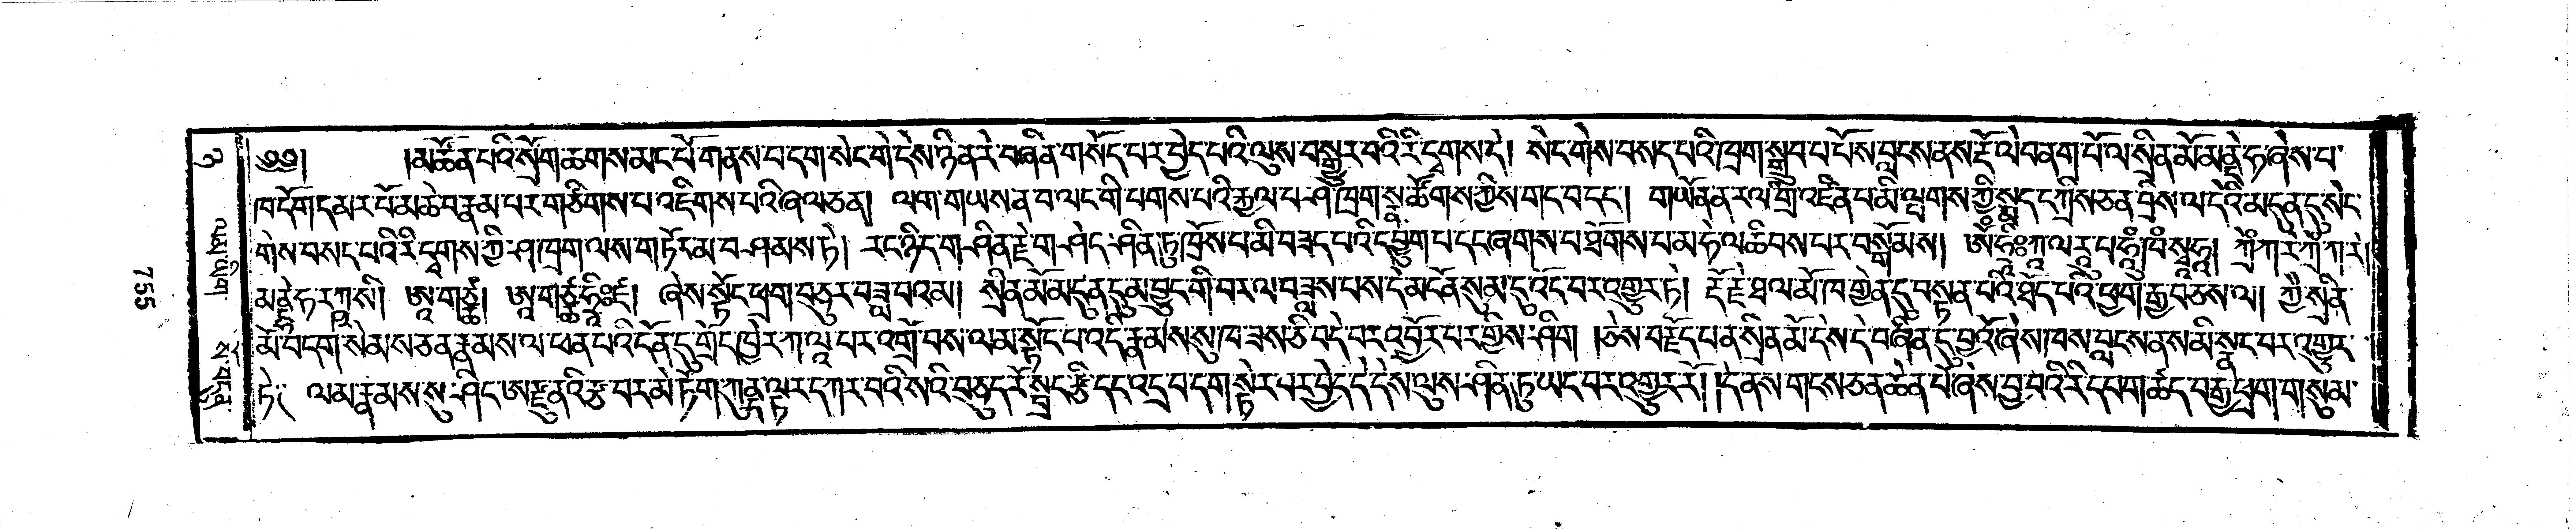༄༅། །མཚོན་པའི་སྲོག་ཆགས་མང་པོ་གནས་པ་དག་སེང་གེ་དེས་ཉིན་རེ་བཞིན་གསོད་པར་བྱེད་པའི་ལུས་བསྒྱུར་བའི་རི་དྭགས་དེ། སེང་གེས་བསད་པའི་ཁྲག་སྒྲུབ་པ་པོས་བླངས་ནས་རྡོ་ལེབ་ནག་པོ་ལ་སྲིན་མོ་མནྡེ་ཧ་ཞེས་པ་
ཁ་དོག་དམར་པོ་མ་ཆེ་བ་རྣམ་ཆེ་བ་རྣམ་པར་གཙིགས་པ་འཇིགས་པའི་ཞལ་ཅན། ལག་གཡས་ན་བ་ལང་གི་པགས་པའི་རྒྱལ་པ་ཤ་ཁྲག་སྣ་ཚོགས་ཀྱིས་གང་བ་དང་། གཡོན་ན་རལ་གྲི་འཛིན་པ་མི་ལྤགས་ཀྱི་སྨད་དཀྲིས་ཅན་བྲིས་ལ་དེའི་མདུན་དུ་སེང་
གེས་བསང་བའི་རི་དྭགས་ཀྱི་ཤ་ཁྲག་ལས་གཏོར་མ་བཤས་ཏེ། རང་ཉིད་གཤིན་རྗེ་གཤེད་ཤིན་ཏུ་ཁྲོས་པ་མི་བཟད་པའི་དབྱུག་པ་དང་ཞགས་པ་ཐོགས་པ་མ་ཧེ་ལ་ཆིབས་པར་བསྒོམས། ཨོཾ་ཧྲཱིཿ ཀཱ་ལ་རཱུ་པ་ཧཱུཾ་ཁཾ་སྭཱ་ཧཱ། ཀྲེཾ་ཀ་རེ་ཀྲོ་ཀ་རེ།
མནྡྷེ་ཧ་རཀྵ་སི། ཨཱ་གཙྪ། ཨཱ་གཙྪ་ཧྲཱིཿ ཛ། ཞེས་སྟོང་ཕྲག་བཅུར་བཟླ་བའམ། སྲིན་མོ་བདུན་དུ་མ་བྱུང་གི་བར་ལ་བཟླས་པས་དེ་མངོན་སུམ་དུ་འོད་བར་འགྱུར་ཏེ། རྡོ་རྗེ་ཐལ་མོ་ཁ་གྱེན་དུ་བསྟན་པའི་ཐོད་པའི་ཕྱག་རྒྱ་བཅས་ལ། ཀཻ་སྲིན་
མོ་བདག་སེམས་ཅན་རྣམས་ལ་ཕན་པའི་དོན་དུ་གྲོང་ཁྱེར་ཀ་ལཱ་པར་འགྲོ་བས་ལམ་སྟོང་པ་འདི་རྣམས་སུ་ཁ་ཟས་ཅི་བདེ་བར་འབྱོར་པར་གྱིས་ཤིག །ཅེས་བརྗོད་པ་ན་སྲིན་མོ་དེས་དེ་བཞིན་དུ་བྱའོ་ཞེས་ཁས་བླངས་ནས་མི་སྣང་བར་འགྱུར་
ཏེ༑ ལམ་རྣམས་སུ་ཤིང་ཨ་རྫུ་ནའི་རྩ་བར་མེ་ཏོག་ཀུནྡ་ལྟར་དཀར་བའི་སའི་བཅུད་རོ་སྦྲང་རྩི་དང་འདྲ་བ་དག་སྟེར་བར་བྱེད་དེ་དེས་ལུས་ཤིན་ཏུ་ཡང་བར་འགྱུར་རོ། །དེ་ནས་གངས་ཅན་ཆེན་པོ་ཞེས་བྱ་བའི་རི་དཔག་ཚད་བརྒྱ་ཕྲག་གསུམ་